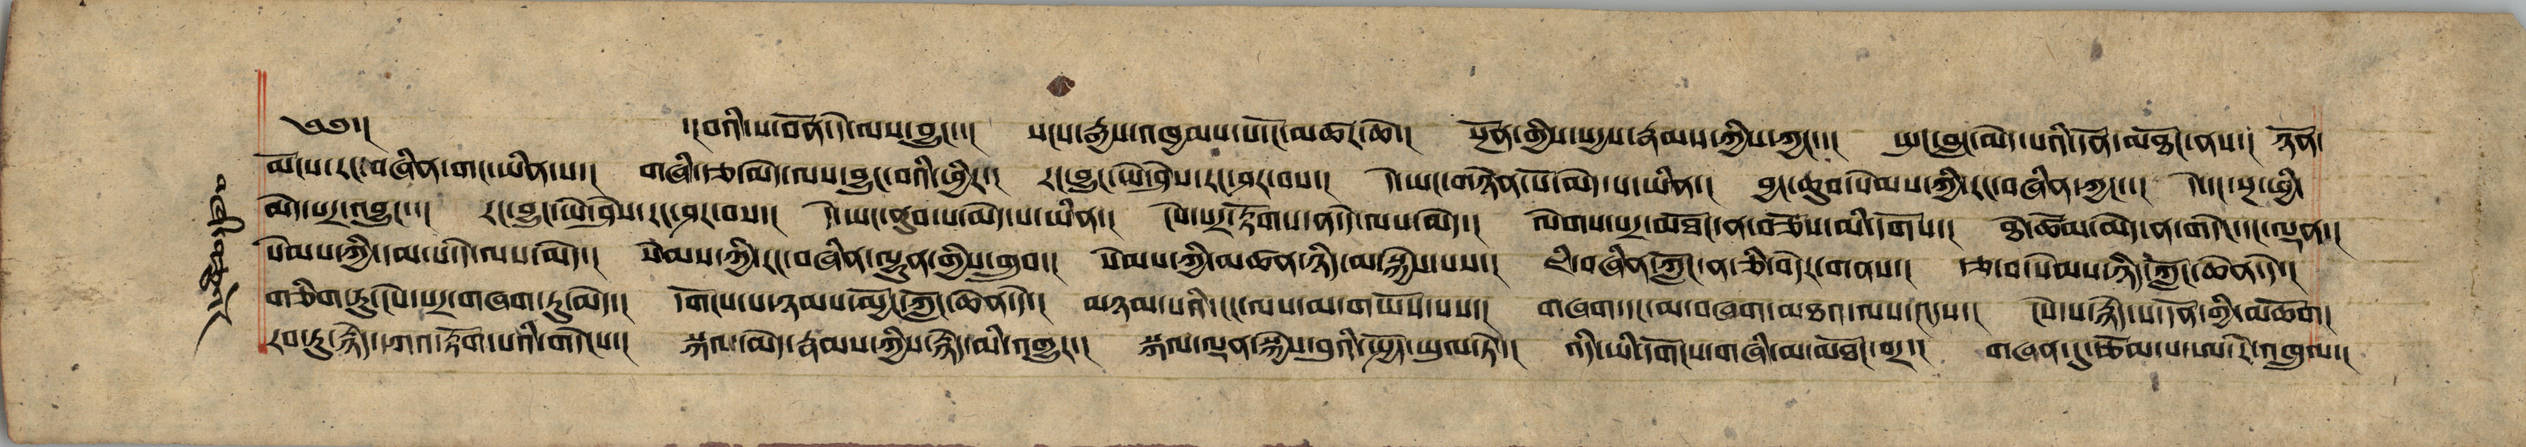༄༅་། ་།བའི་ས་བོན་དེ་ལས་བྱུང་། སངས་རྒྱས་འཁྱམས་པ་ངོ་མཚར་ཆེ་། སྔོན་གྱིས་སདྱས་རྣམས་ཀྱིས་ཀྱང་། སྤང་བླང་མེད་པའི་དོན་མཐོང་ནས་། ཉོན་
མོངས་རང་བཞིན་གང་ཡིན་པ་། གཞི་རྩ་མེད་ལས་བྱུང་བའི་ཕྱིར་། རང་བྱུང་ཡེ་ཤེས་རང་ཤར་བས་། དེ་ཡང་གཉེན་པོ་མེད་པ་ཡིན་། བྱང་ཆུབ་སེམས་ཀྱི་རང་བཞིན་ཀྱང་། དེ་དང་སྔ་ཕྱི་
མེད་པར་འབྱུང་་། རང་བྱུང་ཡེ་ཤེས་རང་ཤར་བས་། དེ་ཡང་ནུབ་པ་མེད་པ་ཡིན་། ངེས་པར་རྟོགས་ན་དེ་ལས་མེད་། ལེགས་པར་མཐོང་ན་བཅོས་མི་དགོས་། ཐེ་ཚོམ་མེད་ན་གདེང་དང་ལྡན་།
སེམས་ཀྱི་དམ་པ་དེ་ལས་མེད་། སེམས་ཀྱི་རང་བཞིན་ལྷུན་གྱིས་གྲུབ་། སེམས་ཀྱི་མཚན་ཉིད་མ་སྐྱེས་པས་། ཇི་བཞིན་ཀློང་ན་ཅི་བདེར་གནས་། རྩ་བ་སེམས་ཉིད་ཀློང་ཆེན་དེ་།
གཅིག་ཏུ་ངེས་པར་གཞག་ཏུ་མེད་། དགོངས་པ་ཉམས་མྱོང་ཀློང་ཆེན་དེ་། མཉམ་པའི་ངང་ལས་མ་གཡོས་པས་། གཞག་དང་མ་བཞག་མཐའ་ལས་འདས་། ངེས་པ་རྙེད་པ་དོན་གྱི་མཆོག།
རབ་ཏུ་རྙེད་དཀའ་རྟོག་པའི་གདེངས་། སྐལ་མེད་རྣམས་ཀྱིས་རྙེད་མི་འགྱུར་། སྐལ་ལྡན་སྐྱེས་བུའི་སྤྱོད་ཡུལ་ཏེ་། འདི་ཡི་དགོངས་གཞི་མ་མཐོང་བར་། གཞན་དུ་རྩོམ་པ་ཨ་རེ་འཁྲུལ་།